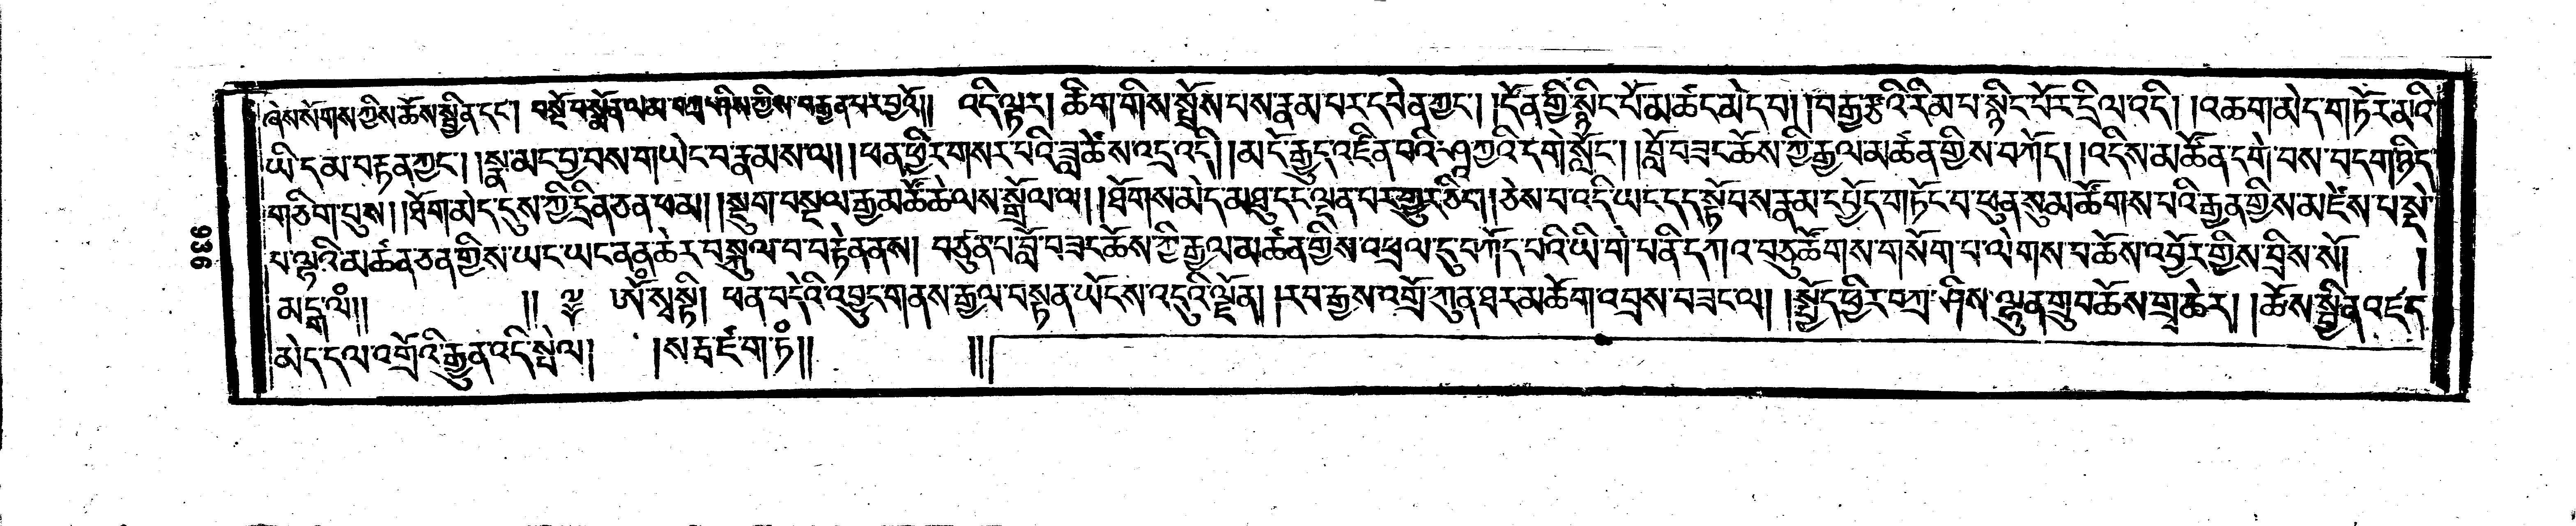ཞེས་སོགས་ཀྱིས་ཆོས་སྦྱིན་དང་། བསྔོ་བ་སྨོན་ལམ་བཀྲ་ཤིས་ཀྱིས་བརྒྱན་པར་བྱའོ།  །འདི་ལྟར། ཚིག་གིས་སྤྲོས་པས་རྣམ་པར་དབེན་ཀྱང་། །དོན་གྱི་སྙིང་པོ་མ་ཚང་མེད་པ། །བརྒྱ་རྩའི་རིམ་པ་སྙིང་པོར་དྲིལ་འདི། །འཆག་མེད་གཏོར་མའི་
ཡི་དམ་བརྟན་ཀྱང་། །སྣ་མང་བྱ་བས་གཡེང་བ་རྣམས་ལ། །ཕན་ཕྱིར་གསར་པའི་ཟླ་ཚེས་འདྲ་འདི། །མདོ་རྒྱུད་འཛིན་པའི་ཤཱཀྱའི་དགེ་སློང་། །བློ་བཟང་ཆོས་ཀྱི་རྒྱལ་མཚན་གྱིས་བཀོད། །འདིས་མཚོན་དགེ་བས་བདག་ཉིད་
གཅིག་པུས། །ཐོག་མེད་དུས་ཀྱི་དྲིན་ཅན་ཕ་མ། །སྡུག་བསྔལ་རྒྱ་མཚོ་ཆེ་ལས་སྒྲོལ་ལ། །ཐོགས་མེད་མཐུ་དང་ལྡན་པར་གྱུར་ཅིག །ཅེས་པ་འདི་ཡང་དད་སྟོབས་རྣམ་དཔྱོད་གཏོང་བ་ཕུན་སུམ་ཚོགས་པའི་རྒྱན་གྱིས་མཛེས་པ་སྡེ་
པ་ལྷའི་མཚན་ཅན་གྱིས་ཡང་ཡང་ནན་ཆེར་བསྐུལ་བ་བརྟེན་ནས། བཙུན་པ་བློ་བཟང་ཆོས་ཀྱི་རྒྱལ་མཚན་གྱིས་འཕྲལ་དུ་བཀོད་པའི་ཡི་གེ་པ་ནི་དཀའ་བཅུ་ཚོགས་གསོག་པ་ལེགས་པ་ཆོས་འབྱོར་གྱིས་བྲིས་སོ། །
མངྒ་ལཾ།། །། ༈ ཨོཾ་སྭ་སྟི། ཕན་བདེའི་འབྱུང་གནས་རྒྱལ་བསྟན་ཡོངས་འདུའི་ལྗོན། །རབ་རྒྱས་འགྲོ་ཀུན་ཐར་མཆོག་འབྲས་བཟང་ལ། །སྤྱོད་ཕྱིར་བཀྲ་ཤིས་ལྷུན་གྲུབ་ཆོས་གྲྭ་ཆེར། །ཆོས་སྦྱིན་འཛད་
མེད་དལ་འགྲོའི་རྒྱུན་འདི་སྤེལ། །སརྦ་ཛ་ག་ཏཾ།། །།